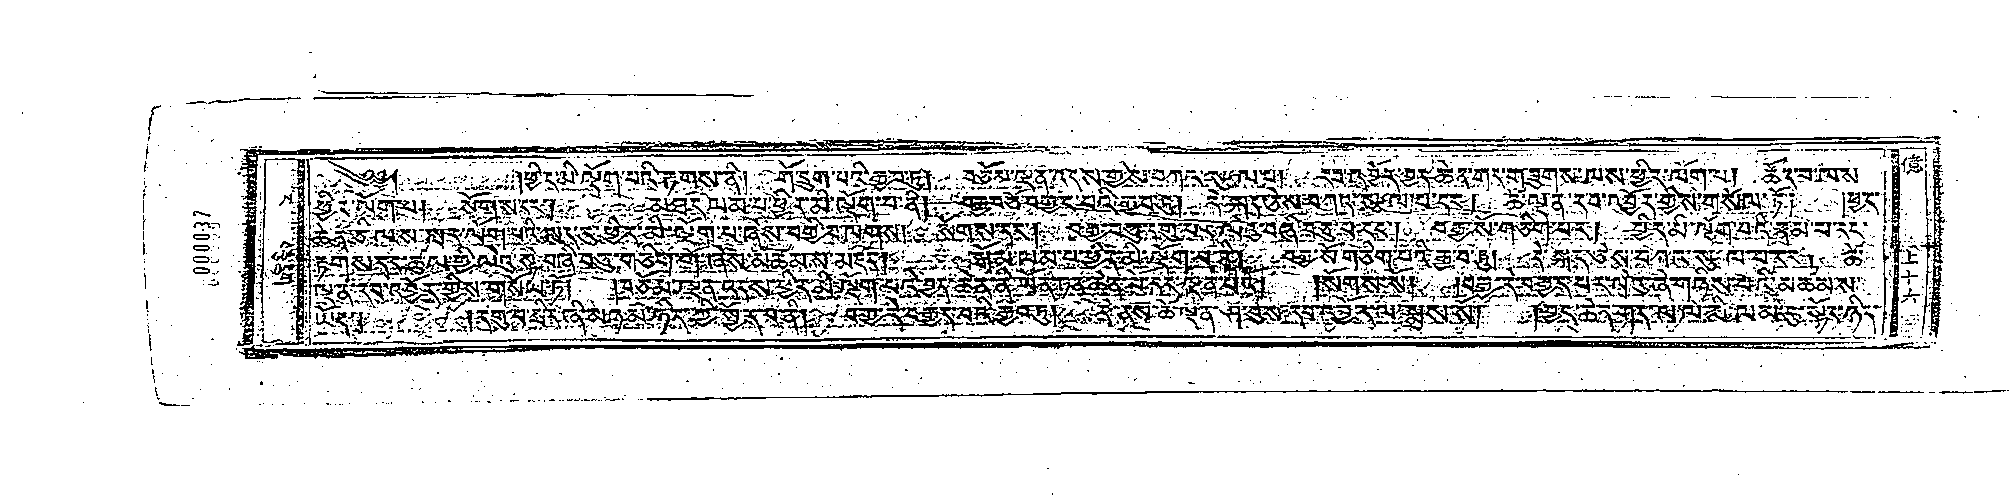༄༅། །ཕྱིར་མི་ལྡོག་པའི་རྟགས་ནི། གོ་དྲུག་པའི་རྒྱབ་ཏུ། བཅོམ་ལྡན་འདས་ཀྱིས་བཀའ་སྩལ་པ། རབ་འབྱོར་བྱད་ཆེན་གང་གཟུགས་ལས་ཕྱིར་ལོག་པ། ཚོར་བ་ལས་
ཕྱིར་ལོག་པ། སོགས་དང་། མཐོང་ལམ་པ་ཕྱིར་མི་ལྡོག་པ་ནི། བརྒྱབ་བཅོ་བརྒྱད་པའི་རྒྱབ་ཏུ། དེ་སྐད་ཅེས་བཀའ་སྩལ་པ་དང་། ཚེ་ལྡན་རབ་འབྱོར་གྱིས་གསོལ་ཏོ། །ཕྱིར་
ཆེན་ཅི་ལས་སླར་ལོག་པའི་སླད་དུ་ཕྱིར་མི་ལྡོག་པ་ཞེས་བགྱི་བ་ལགས། སོགས་དང་། བརྒྱ་བཅུ་དགུ་པའི་ལེའུ་བཞི་བཅུ་པ་དང་། བརྒྱ་སོ་གཅིག་པར། ཕྱིར་མི་ལྡོག་པའི་རྣམ་པ་དང་
རྟགས་དང་ཚུལ་གྱི་ལེའུ་སྟེ་བཞི་བཅུ་གཅིག་གོ་ཞེས་མཚམས་མཛད། སྒོམ་ལམ་པ་ཕྱིར་མི་ལྡོག་པ་ནི། བརྒྱ་སོ་གཅིག་པའི་རྒྱབ་ཏུ། དེ་སྐད་ཅེས་བཀའ་སྩལ་བ་དང་། ཚེ་
ལྡན་རབ་འབྱོར་གྱིས་གསོལ་ཏོ། །བཅོམ་ལྡན་འདས་ཕྱིར་མི་ལྡོག་པའི་བྱད་ཆེན་ནི་ཡོན་ཏན་ཆེན་པོ་དང་ལྡན་པའོ། །སོགས་སོ། །བརྒྱ་ར་བརྒྱད་པར་ལེའུ་ཞེ་གཉིས་པའི་མཚམས་
ཡོད། །དགུ་པ་སྲིད་ཞི་མཉམ་ཉིད་ཀྱི་སྦྱོར་བ་ནི། བརྒྱ་དེ་བརྒྱད་པའི་རྒྱབ་ཏུ། དེ་ནས་ཚེ་ལྡན་ཤ་བུས་རབ་འབྱོར་ལ་སྨྲས་སོ། །བྱང་ཆེན་གད་ལ་ལ་རྨི་ལམ་དུ་སྟོང་ཉིད་